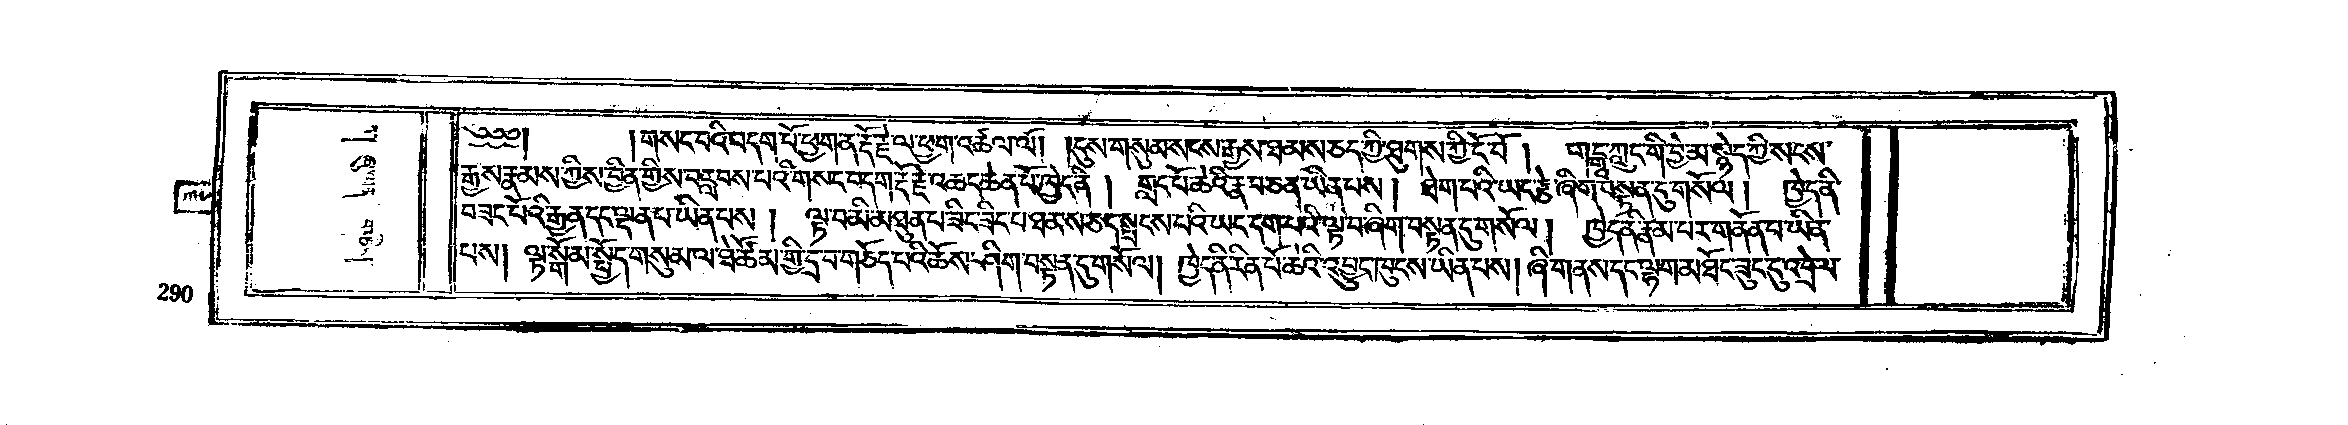༄༅༅། །གསང་བའི་བདག་པོ་ཕྱག་ན་རྡོ་རྗེ་ལ་ཕྱག་འཚལ་ལོ། །དུས་གསུམ་སངས་རྒྱས་ཐམས་ཅད་ཀྱི་ཐུགས་ཀྱི་ངོ་བོ། གངྒཱ་ཀླུང་གི་བྱེ་མ་སྙེད་ཀྱི་སངས་
རྒྱས་རྣམས་ཀྱིས་བྱིན་གྱིས་བརླབས་པའི་གསང་བདག་རྡོ་རྗེ་འཆང་ཆེན་པོ་ཁྱེད་ནི། གླང་པོ་ཆེའི་རྣ་བ་ཅན་ཡིན་པས། ཐེག་པའི་ཡང་རྩེ་ཞིག་བསྟན་དུ་གསོལ། ཁྱེད་ནི་
བཟང་པོའི་རྒྱན་དང་ལྡན་པ་ཡིན་པས། ལྟ་བ་མི་མཐུན་པ་ཟིང་ཟིང་པ་ཐམས་ཅད་སྤངས་པའི་ཡང་དག་པའི་ལྟ་བ་ཞིག་བསྟན་དུ་གསོལ། ཁྱེད་ནི་རྣམ་པར་གནོན་པ་ཡིན་
པས། ལྟ་སྒོམ་སྤྱོད་གསུམ་ལ་ཐེ་ཚོམ་གྱི་དྲ་བ་གཅོད་པའི་ཆོས་ཤིག་བསྟན་དུ་གསོལ། ཁྱེད་ནི་རིན་པོ་ཆེའི་འབྱུང་ཁུངས་ཡིན་པས། ཞི་གནས་དང་ལྷག་མཐོང་ཟུང་དུ་འབྲེལ་